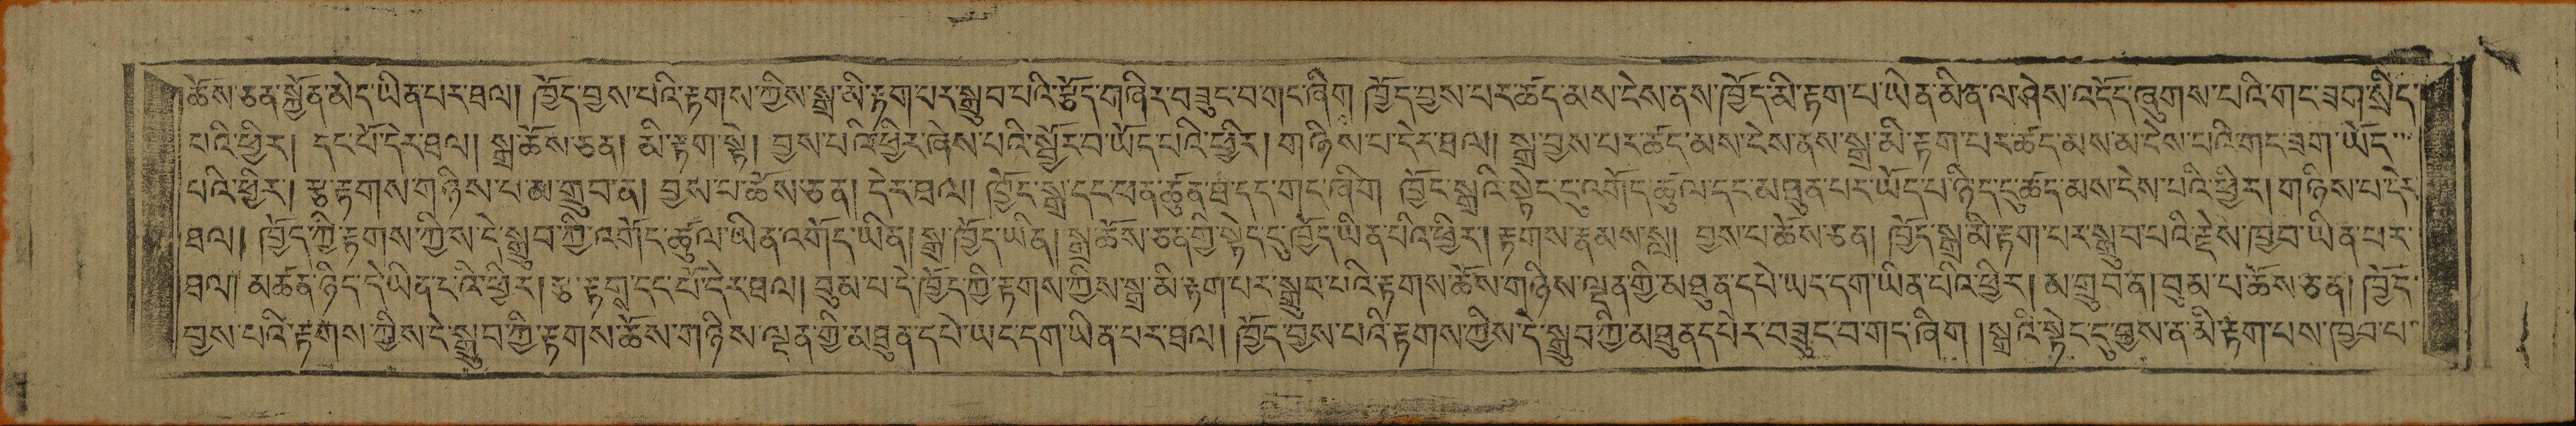ཆོས་ཅན་སྐྱོན་མེད་ཡིན་པར་ཐལ། ཁྱོད་བྱས་པའི་རྟགས་ཀྱིས་སྒྲ་མི་རྟགས་པར་སྒྲུབ་པའི་རྩོད་གཞིར་བཟུང་བ་གང་ཞིག། ཁྱོད་བྱས་པར་ཚད་མས་ངེས་ནས་ཁྱོད་མི་རྟག་པ་ཡིན་མིན་ལ་ཤེས་འདོད་ཞུགས་པའི་གང་ཟག་སྲིད་
པའི་ཕྱིར། དང་པོ་དེར་ཐལ། སྒྲ་ཆོས་ཅན། མི་རྟག་སྟེ། བྱས་པའི་ཕྱིར་ཞེས་པའི་སྦྱོར་བ་ཡོད་པའི་ཕྱིར། གཉིས་པ་དེར་ཐལ། སྒྲ་བྱས་པར་ཚད་མས་ངེས་ནས་སྒྲ་མི་རྟག་པར་ཚད་མས་མ་ངེས་པའི་གང་ཟག་ཡོད་
པའི་ཕྱིར། རྩ་རྟགས་གཉིས་པ་མ་གྲུབ་ན། བྱས་པ་ཆོས་ཅན། དེར་ཐལ། ཁྱོད་སྒྲ་དང་ཕན་ཚུན་ཐ་དད་གང་ཞིག་ཁྱོད་སྒྲའི་སྟེང་དུ་འགོད་ཚུལ་དང་མཐུན་པར་ཡོད་པ་ཉིད་དུ་ཚད་མས་ངེས་པའི་ཕྱིར། གཉིས་པ་དེར་
ཐལ། ཁྱོད་ཀྱི་རྟགས་ཀྱིས་དེ་སྒྲུབ་ཀྱི་འགོད་ཚུལ་ཡིན་འགོད་ཡིན། སྒྲ་ཁྱོད་ཡིན། སྒྲ་ཆོས་ཅན་གྱི་སྟེང་དུ་ཁྱོད་ཡིན་པའི་ཕྱིར། རྟགས་རྣམས་སླ། བྱས་པ་ཆོས་ཅན། ཁྱོད་སྒྲ་མི་རྟག་པར་སྒྲུབ་པའི་རྗེས་ཁྱབ་ཡིན་པར་
ཐལ། མཚན་ཉིད་དེ་ཡིན་པའི་ཕྱིར། རྩ་རྟགས་དང་པོ་དེར་ཐལ། བུམ་པ་དེ་ཁྱོད་ཀྱི་རྟགས་ཀྱིས་སྒྲ་མི་རྟག་པར་སྒྲུབ་པའི་རྟགས་ཆོས་གཉིས་ལྡན་གྱི་མཐུན་དཔེ་ཡང་དག་ཡིན་པའི་ཕྱིར། མ་གྲུབ་ན། བུམ་པ་ཆོས་ཅན། ཁྱོད་
བྱས་པའི་རྟགས་ཀྱིས་དེ་སྒྲུབ་ཀྱི་རྟགས་ཆོས་གཉིས་ལྡན་གྱི་མཐུན་དཔེ་ཡང་དག་ཡིན་པར་ཐལ། ཁྱོད་བྱས་པའི་རྟགས་ཀྱིས་དེ་སྒྲུབ་ཀྱི་མཐུན་དཔེར་བཟུང་བ་གང་ཞིག །སྒྲའི་སྟེང་དུ་བྱས་ན་མི་རྟགས་པས་ཁྱབ་པ་